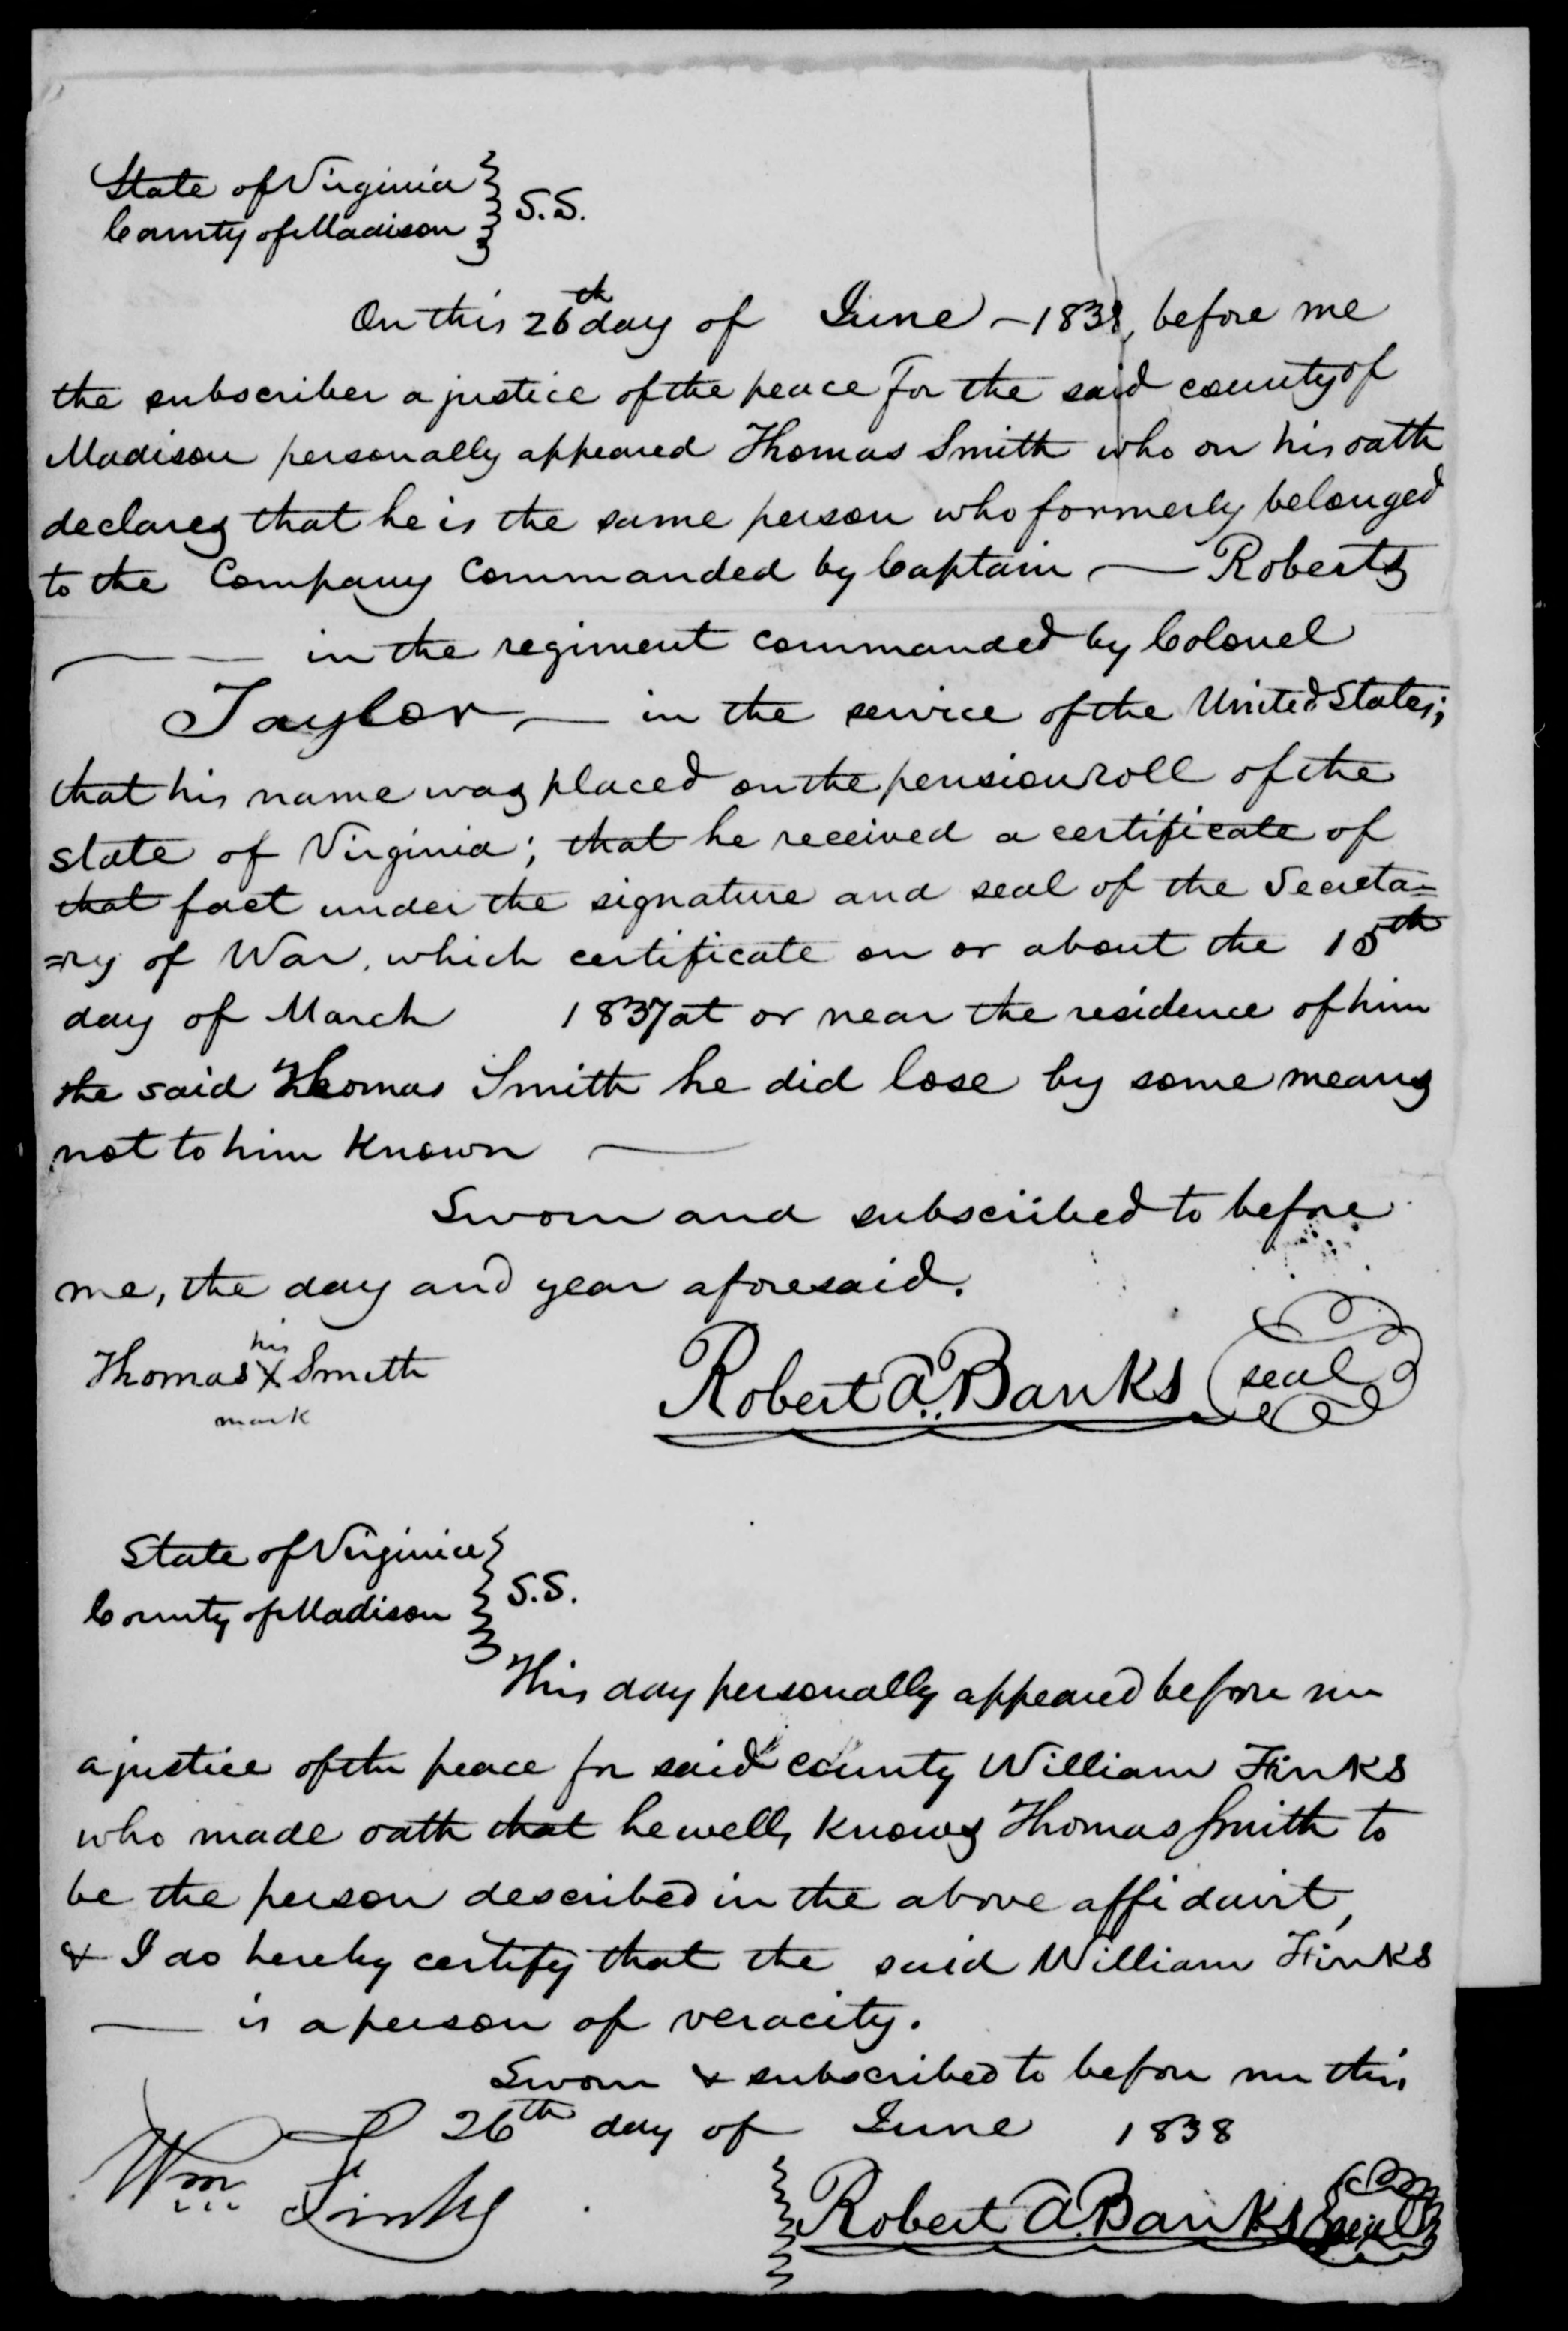State of Virginia
County of Madison} S.S.
On this 26th day of June - 1838, before me the subscriber a justice of the peace for the said county of Madison personally appeared Thomas Smith who on his oath declares that he is the same person who formerly belonged to the Company Commanded by Captain ~ Roberts - in the regiment commanded by Colonel Taylor ~ in the service of the United States; that his name was placed on the pension roll of the State of Virginia; that he received a certificate of that fact under the signature and seal of the Secretary of War, which certificate on or about the 15th day of March 1837 at or near the residence of him the said Thomas Smith he did lose by some means not known to him ~
Sworn and subscribed to before me, the day and year aforesaid.
Thomas x his mark Smith
Robert A. Banks {seal}

State of Virginia
County of Madison} S.S.
This day personally appeared before me a justice of the peace for said county William Finks who made oath that he well knows Thomas Smith to be the person described in the above affidavit, & I do hereby certify that the said William Finks - is a person of veracity.
Sworn & subscribed to before me this 26th day of June 1838
Wm Finks} Robert A. Banks {Seal}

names: Wm Finks; Thomas Smith; William Finks; Thomas Smith; [BLANK] Taylor; Robert A Banks; Thomas Smith; [BLANK] Roberts; William Finks; Robert A Banks; Thomas Smith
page: 20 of 23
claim: survivor's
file: S. 6,125, for Thomas Smith, Virginia